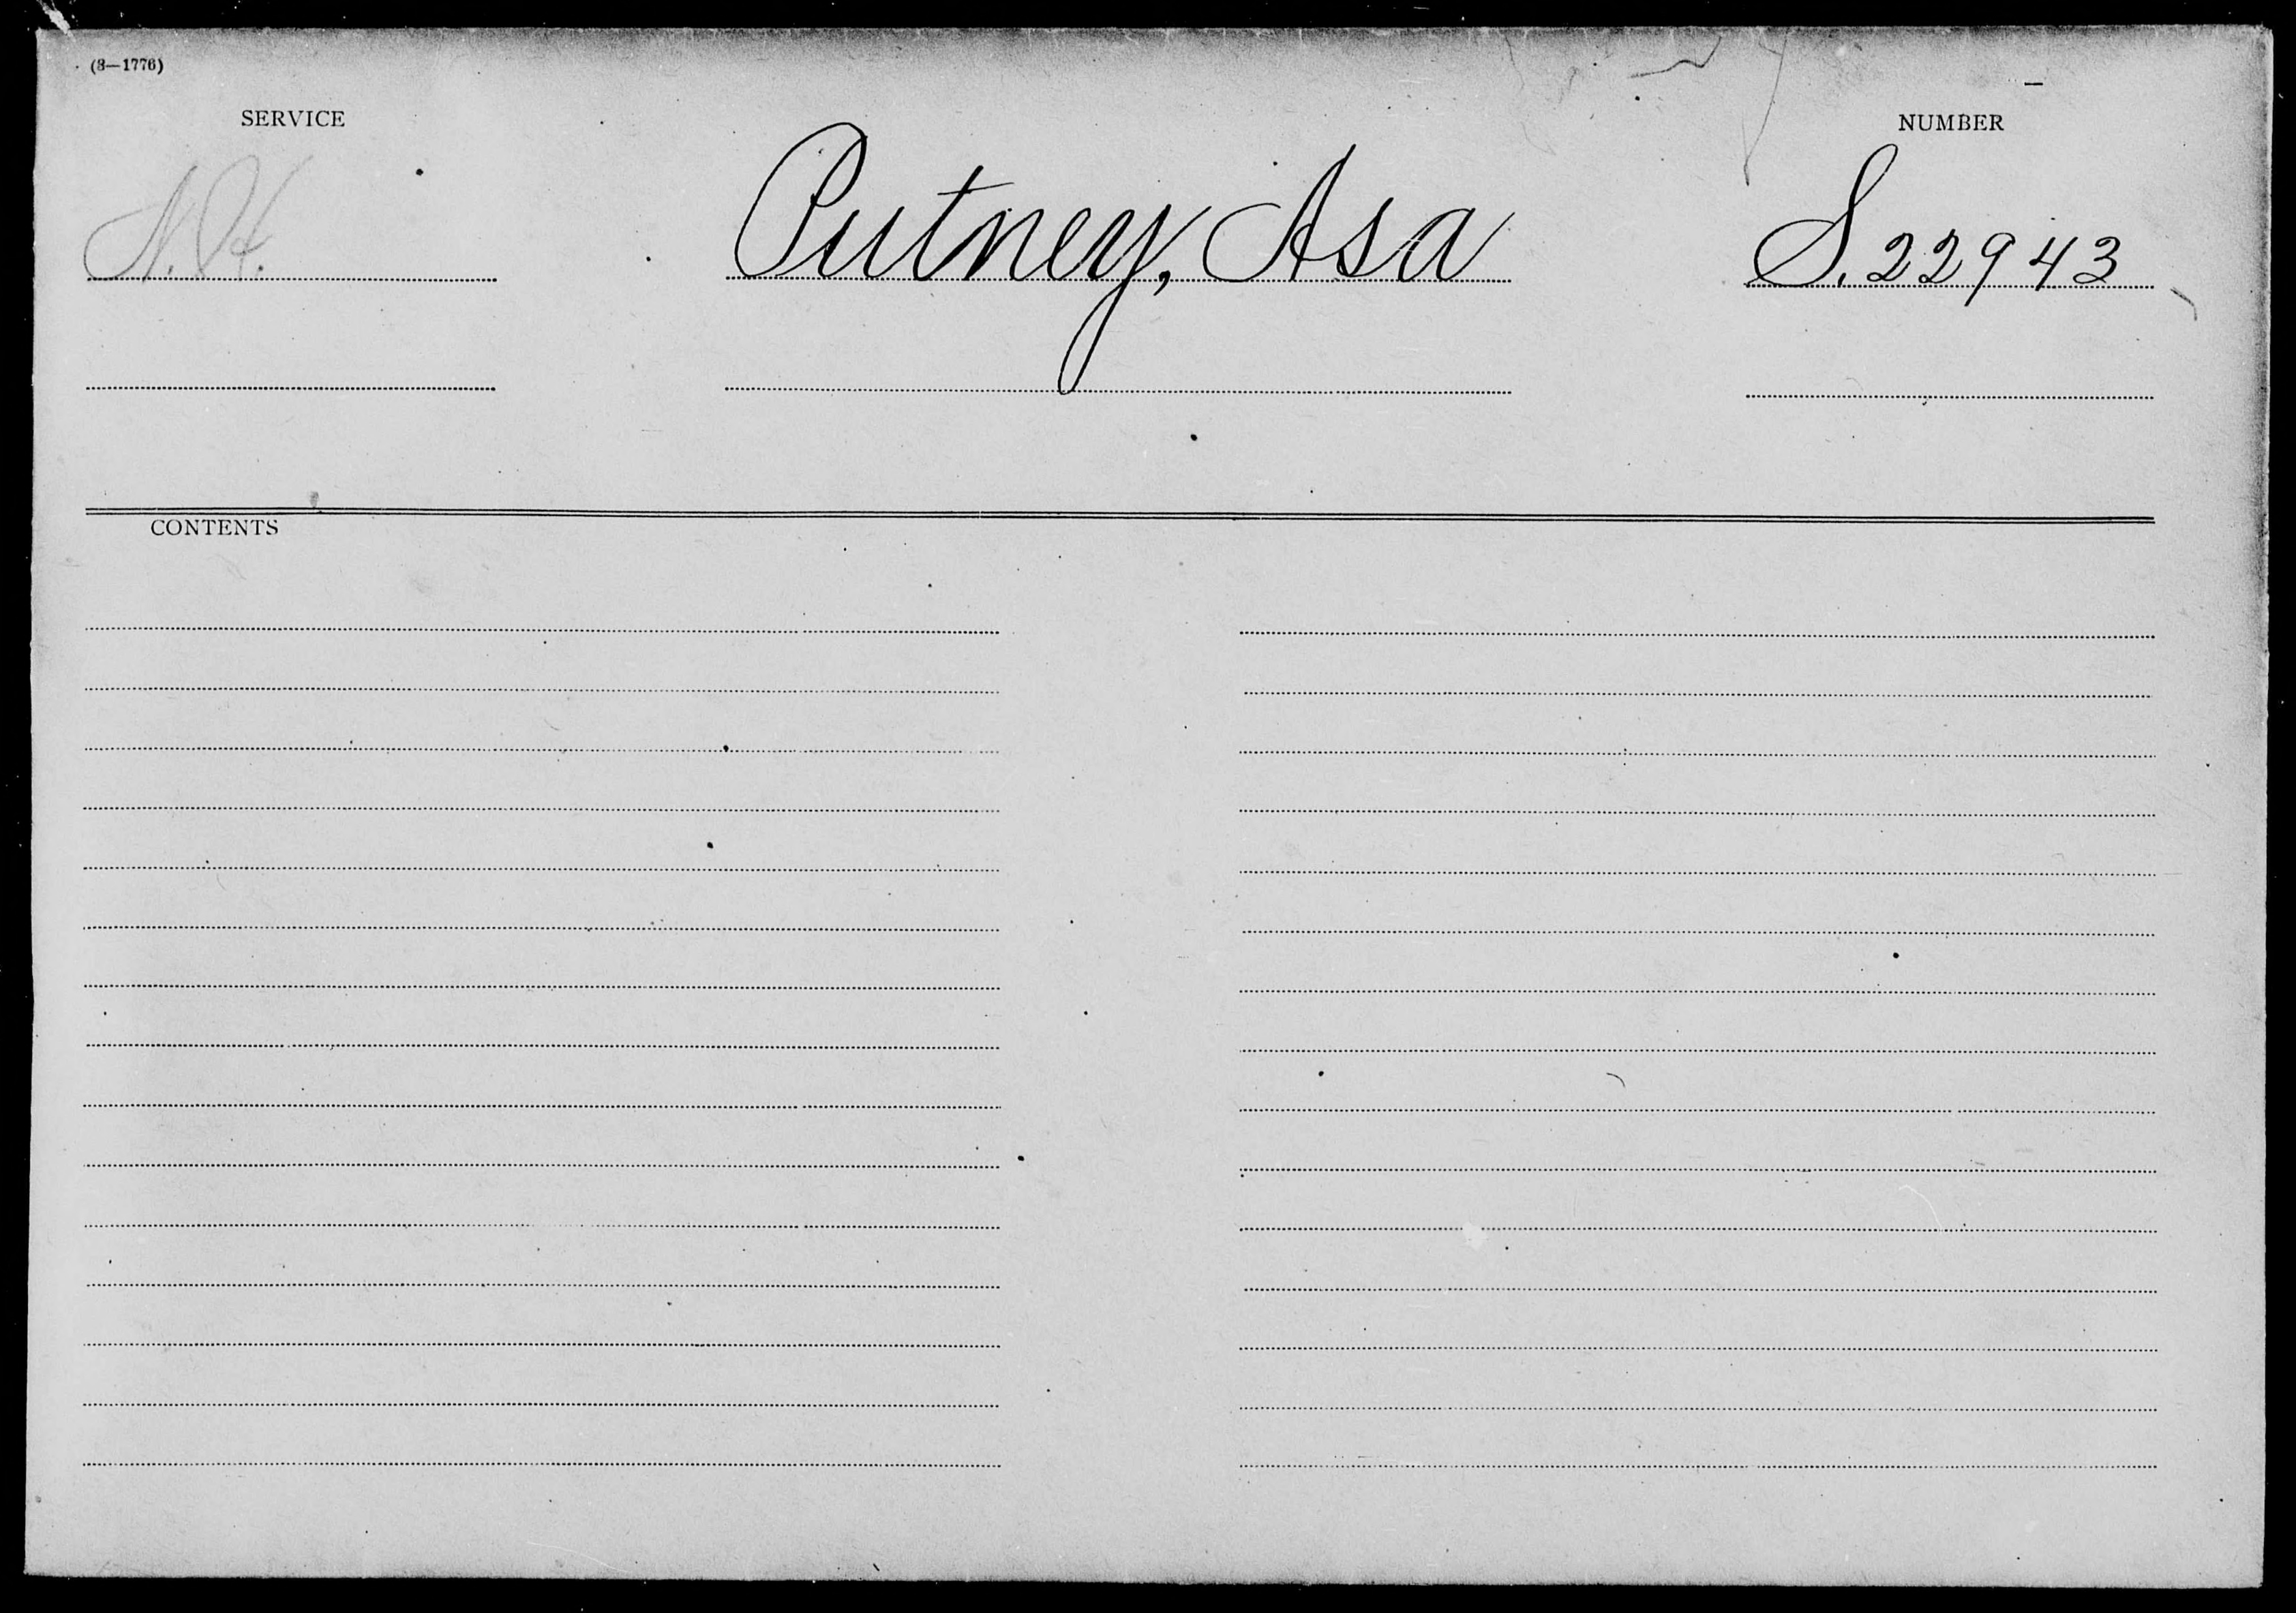(3-1776)

SERVICE
N.H.

Putney, Asa

NUMBER
S. 22943

CONTENTS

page: 1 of 14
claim: survivor's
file: S. 22943, for Asa Putney, New Hampshire